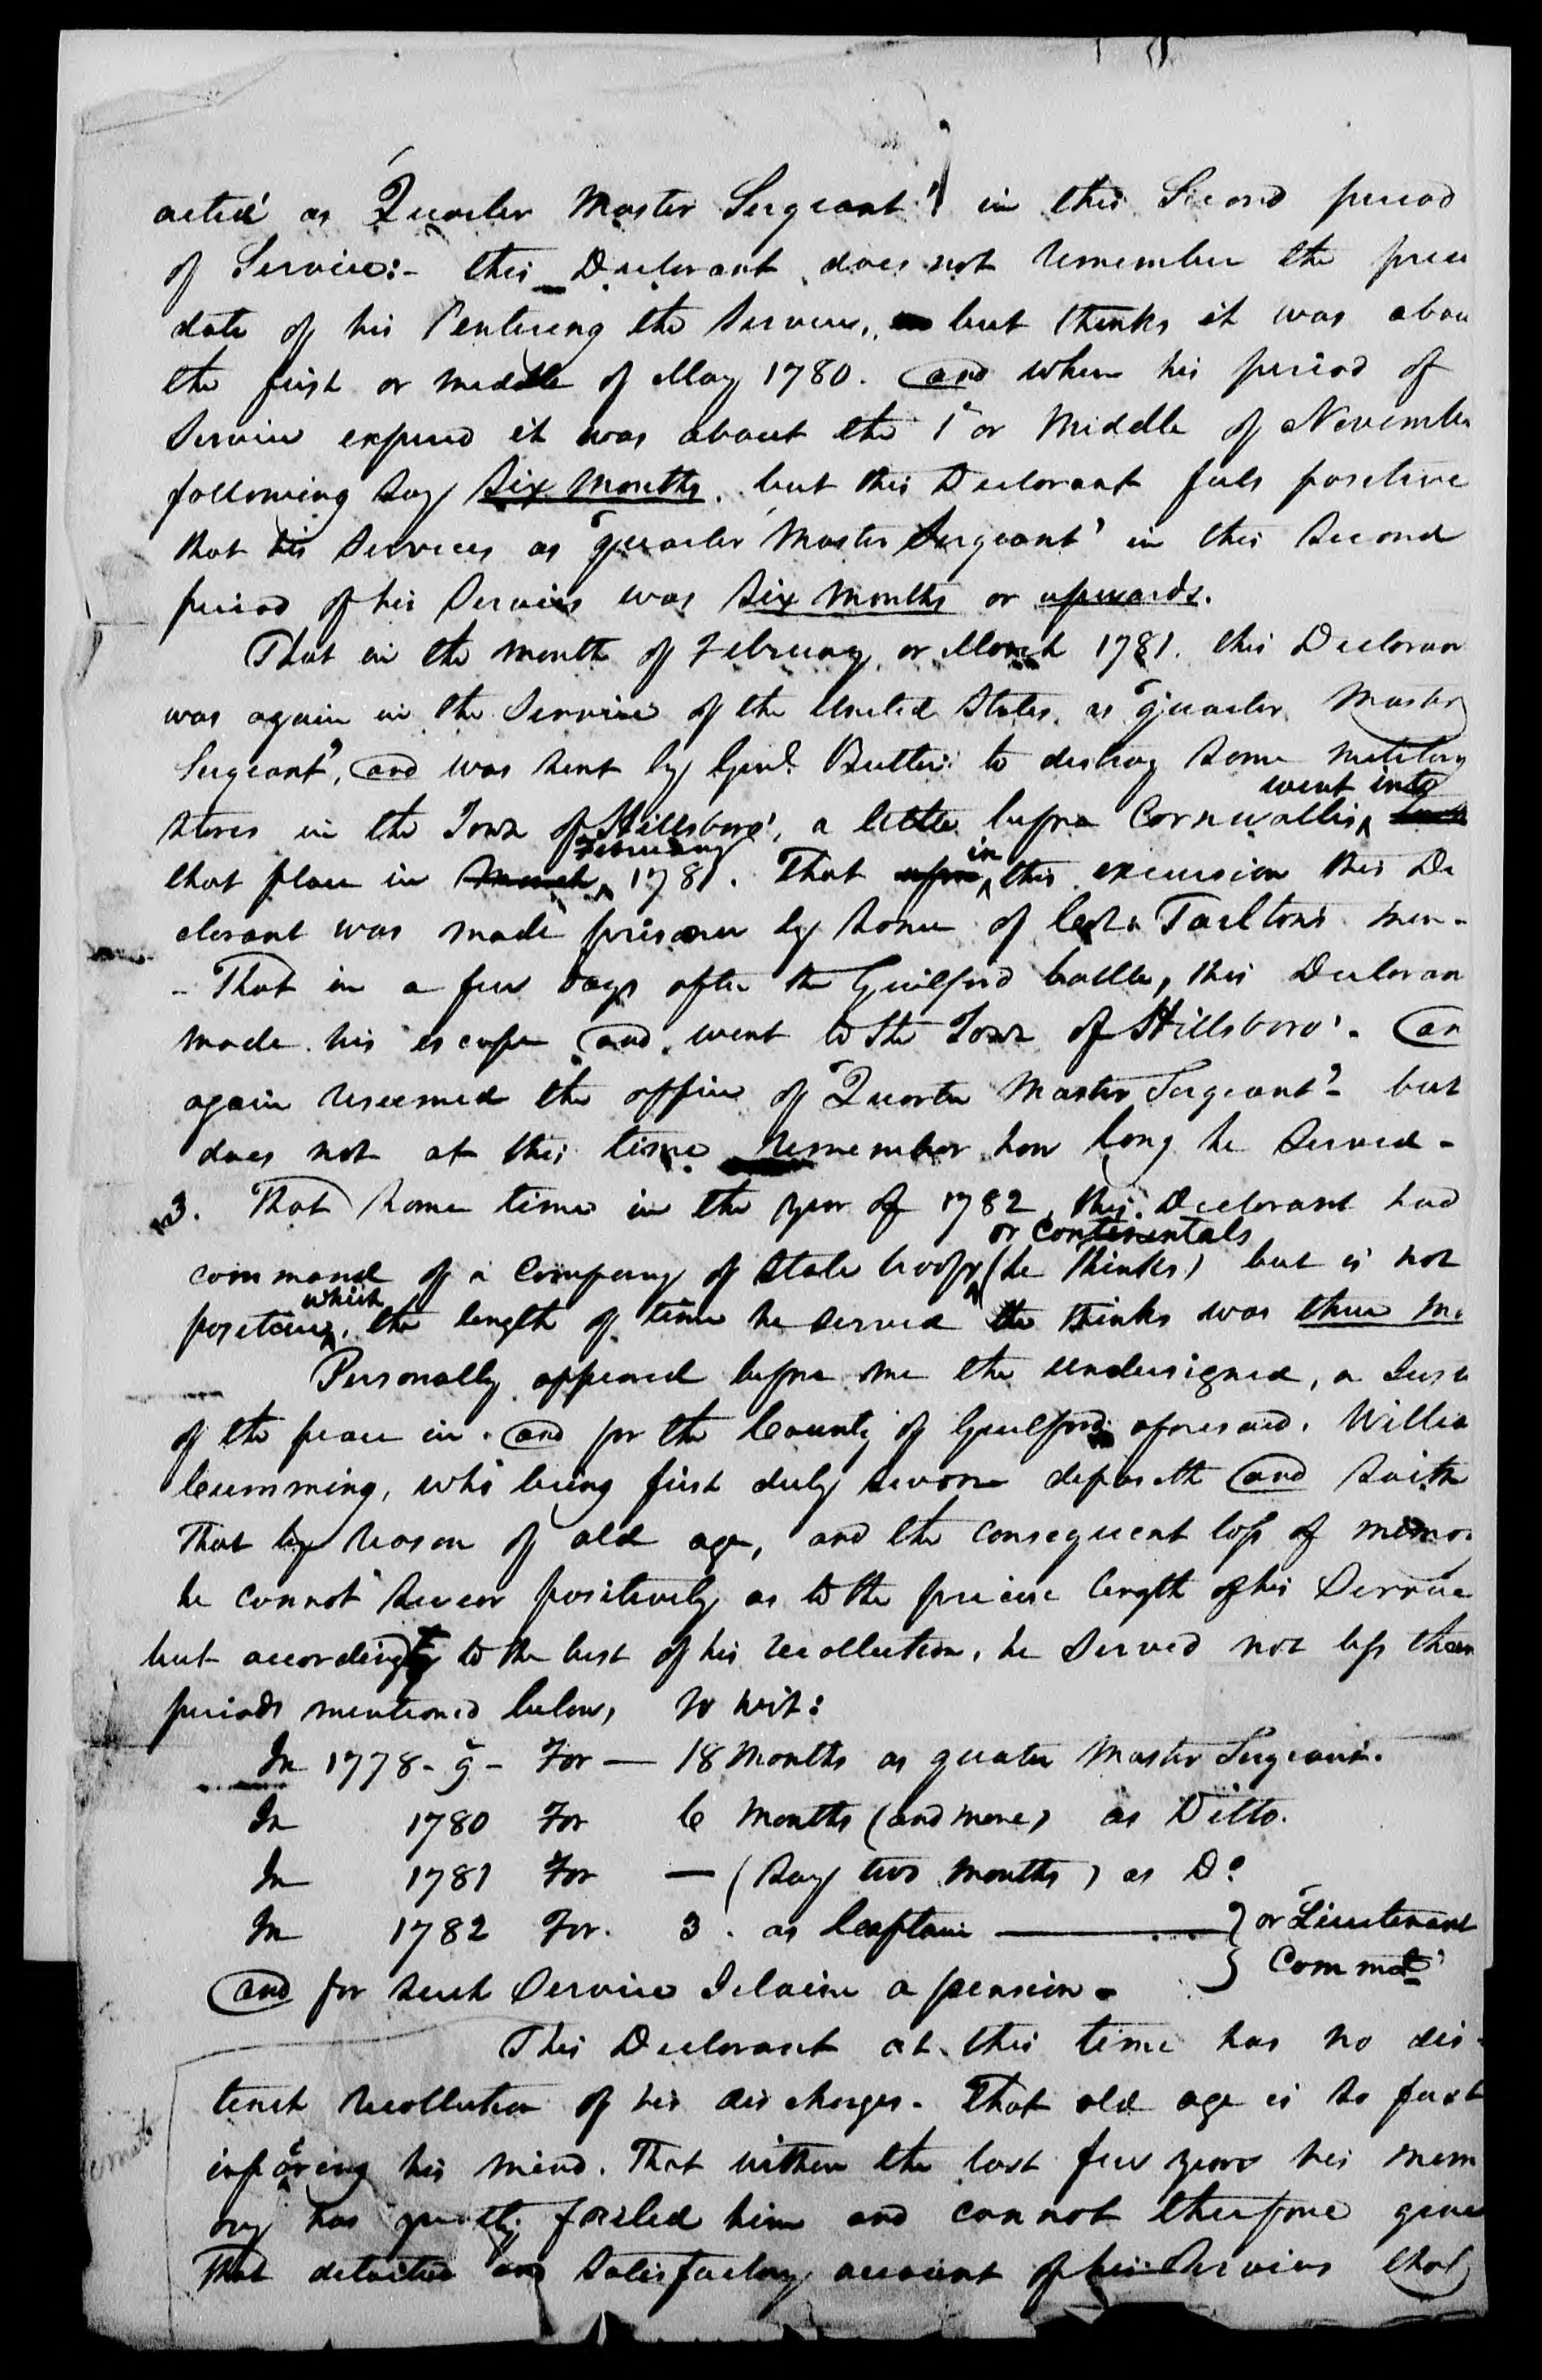[Page 2 of 3, in handwritten record subset, re "Supplemental evidince (Supplemental evidence) To the Declaration of William Cumming re his Revolutionary War service.  Occasional spacing has been included, to make the long text block easier to read.]

acted as 'Quarter Master Sergeant' in this Second period of Service: - this Declarant does not remember the prec_ [probably meaning precise] date of his Entering the Service, [stricken out word] but thinks it was abou_ [word cut off at page margin- probably meaning:] about the first or middle of May 1780.

and when his period of Service expired it was about the 1st or Middle of November following Say [here the next two words are underlined] Six Months, but this Declarant feels positive that his Services as 'Quarter Master Sergeant' in this Second period of his Services was [here the next two words are underlined:] Six Months or [the following word is underlined:] upwards.

That in the month of February or March 1781, this Declaran- [word cut off at paper edge, probably Declarant] was again in the Service of the United States, as 'quarter Master Sergeant', and was sent by Genl. [General] Butler to destroy Some military stores in the Town of Hillsboro',  a little before Cornwallis ^went into [illegible stricken through word] that place in [here "March" was stricken through] ^February 1781.

That [here the word "upon" was stricken through] ^ in this excursion this Declerant [Declarant] was made prisoner by some of Col. [Colonel] Tarlton's men - That in a few days after the Guilford battle, this Decleran- [word cut off at paper edge] Declerant {Declarant] made his escape and went to the Town of Hillsboro' - [partial word "an-" at paper's edge, for "and"] again resumed the office of 'Quarter Master Sergeant' - but does not know at this time remember how long he Served -

3. That Some time in the year of 1782, this declerant [declarant] had command of a Company of State troops ^ or Continentals (he thinks) but is not positive ^ which, the length of time he Served [here it looks like the word  "the" was stricken through to make "he"] thinks was [here the next two words are underlined:} three mo- [word cut off at edge of page, but appears to be:] months.

Personally appeared before me the Undersigned, a ["Just-" word cut off at page edge:] Justice of the peace in and for the County of Guilford aforesaid, Willia- [first name cut off at edge of page, William] Cumming, who being first duly sworn deposeth and Saith That by reason of old age, and the Consequent loss of memory he cannot Swear positively as to the precise length of this Service but according to the best of his recollection, he Served not less than periods mentioned below, to wit:

In 1778-9 [1778 - 1779] - For - 18 Months as quater [quarter] Master Sergeant.
In 1780 For 6 Months (and more) as Ditto [quarter Master Sergeant.]
In 1781 For ___ (Say two Months) as Do. [ditto, quarter Master Sergeant.]
In 1782 For. 3 [months] as Captain ______) ^ or Lieutenant Commd.' [? Command] and for such Services I claim a pension.

[Here near the lower left margin of the page, there is a penciled notation which appears to read  "correct" and a hand-drawn bracket around the following:] This Declerant at this time has no distinct Recollection of his discharges.  That old age is so fast impairing his mind. That within the last few years his memory has greatly [or mostly] failed him and cannot therefore give That detail and Satisfactory account of his Services  that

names: Butler, Tarlton, Willia Cumming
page: 144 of 145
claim: survivor's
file: S. 8265, William Cumming, N.C.